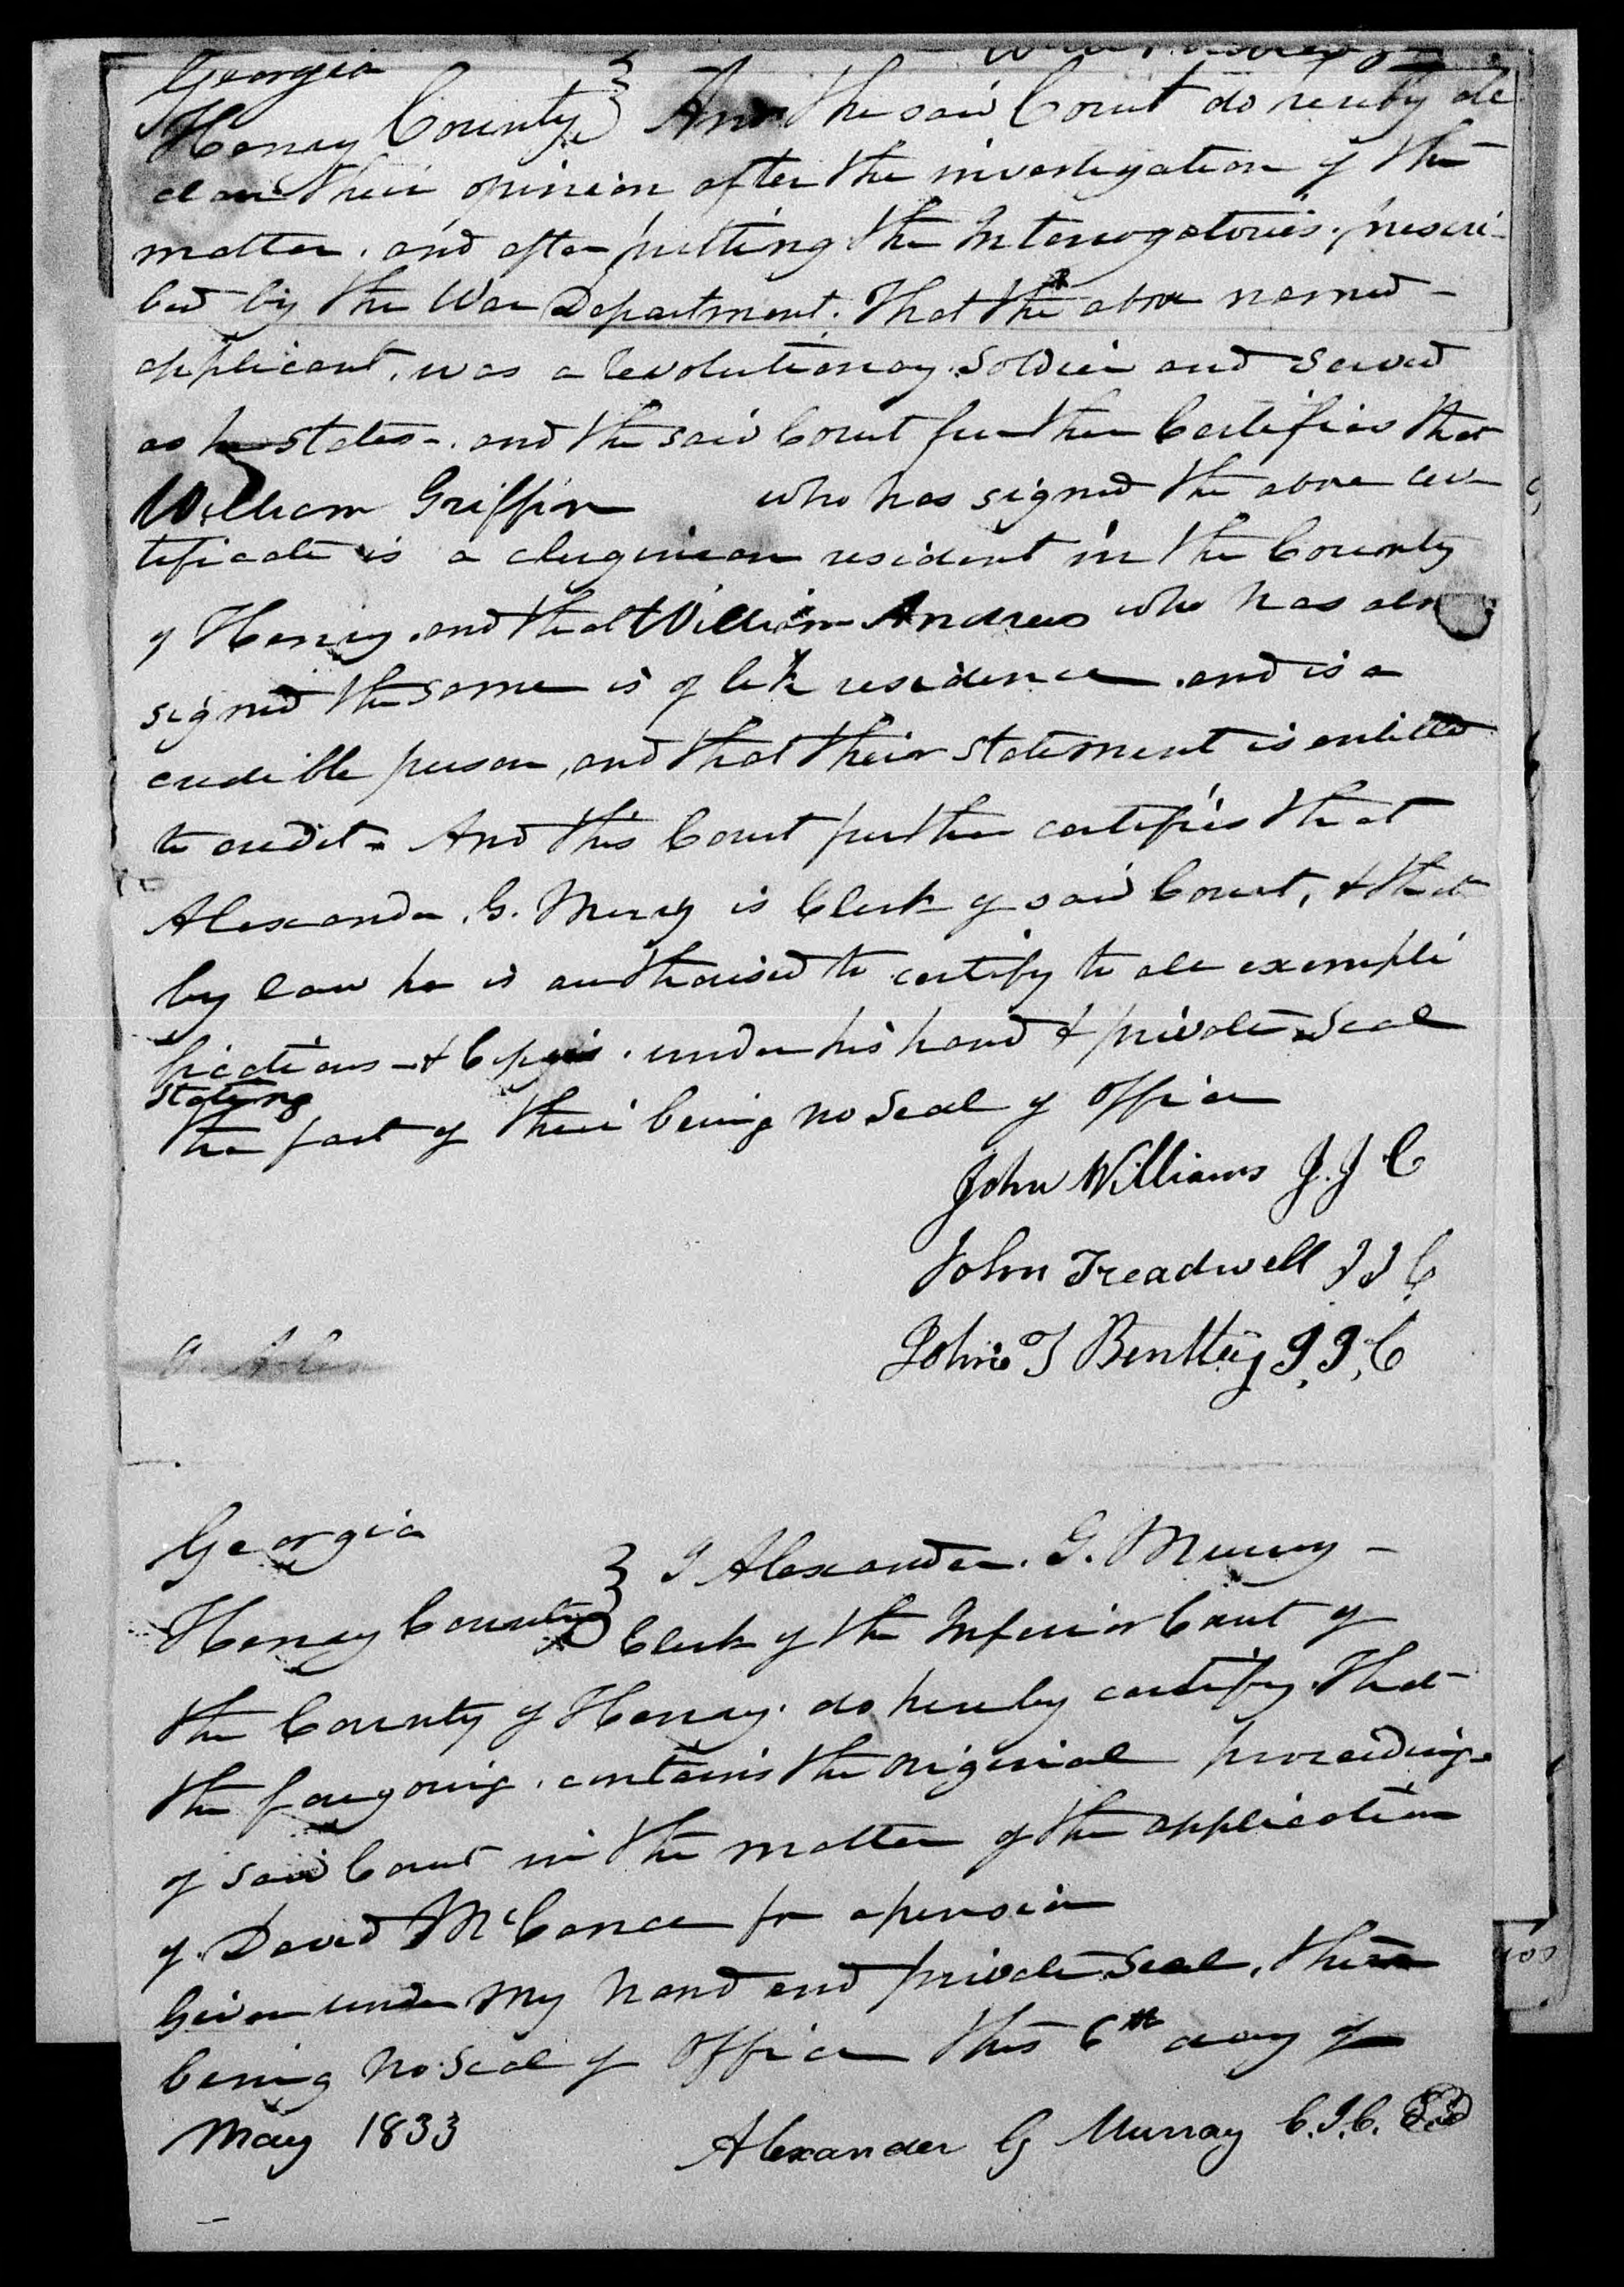Georgia
Henry County 
And the Court do hereby declare
on their opinion after the investigation of the
matter, and after putting the Interrogatories prescribed
by the War Department. That the above named
applicant was a revolutionary soldier and served
as he states - and the said Court further certifies that
William Griffin who has signed the above
certificate is a clergiman resident in the County
of Henry and that William Andrews who has also
signed the same is of like residence and is a
credible person, and that their statement is entitled
to credit. And this Court further certifies that
Alexander G. Mury is Clerk of said Court, & that
by law he is authorised to certify to all examinations [?]
 & Copies under his hand & private seal
stating the fact of there being no seal of office
John Williams J.J.C
John Treadwell J J C
John T Bentley J.J.C.
Georgia
Henry County
I Alexander G. Murray-
 Clerk of the Inferior Court of
the County of Henry do hereby certify That the
forgoing contains the original proceedings
of said Court in the matter of the application
of David McCance for a pension
Given under my hand and private seal, there
being no seal of office this 6th day of
May 1833
Alexander G Murray C.J.C. [hand drawn seal]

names: David Mc Cance; Alexander G Mury; John Williams; John T Bentley; William Griffin; John Tredwell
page: 9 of 13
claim: survivor's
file: S. 16464, for David Mc Cance, South Carolina